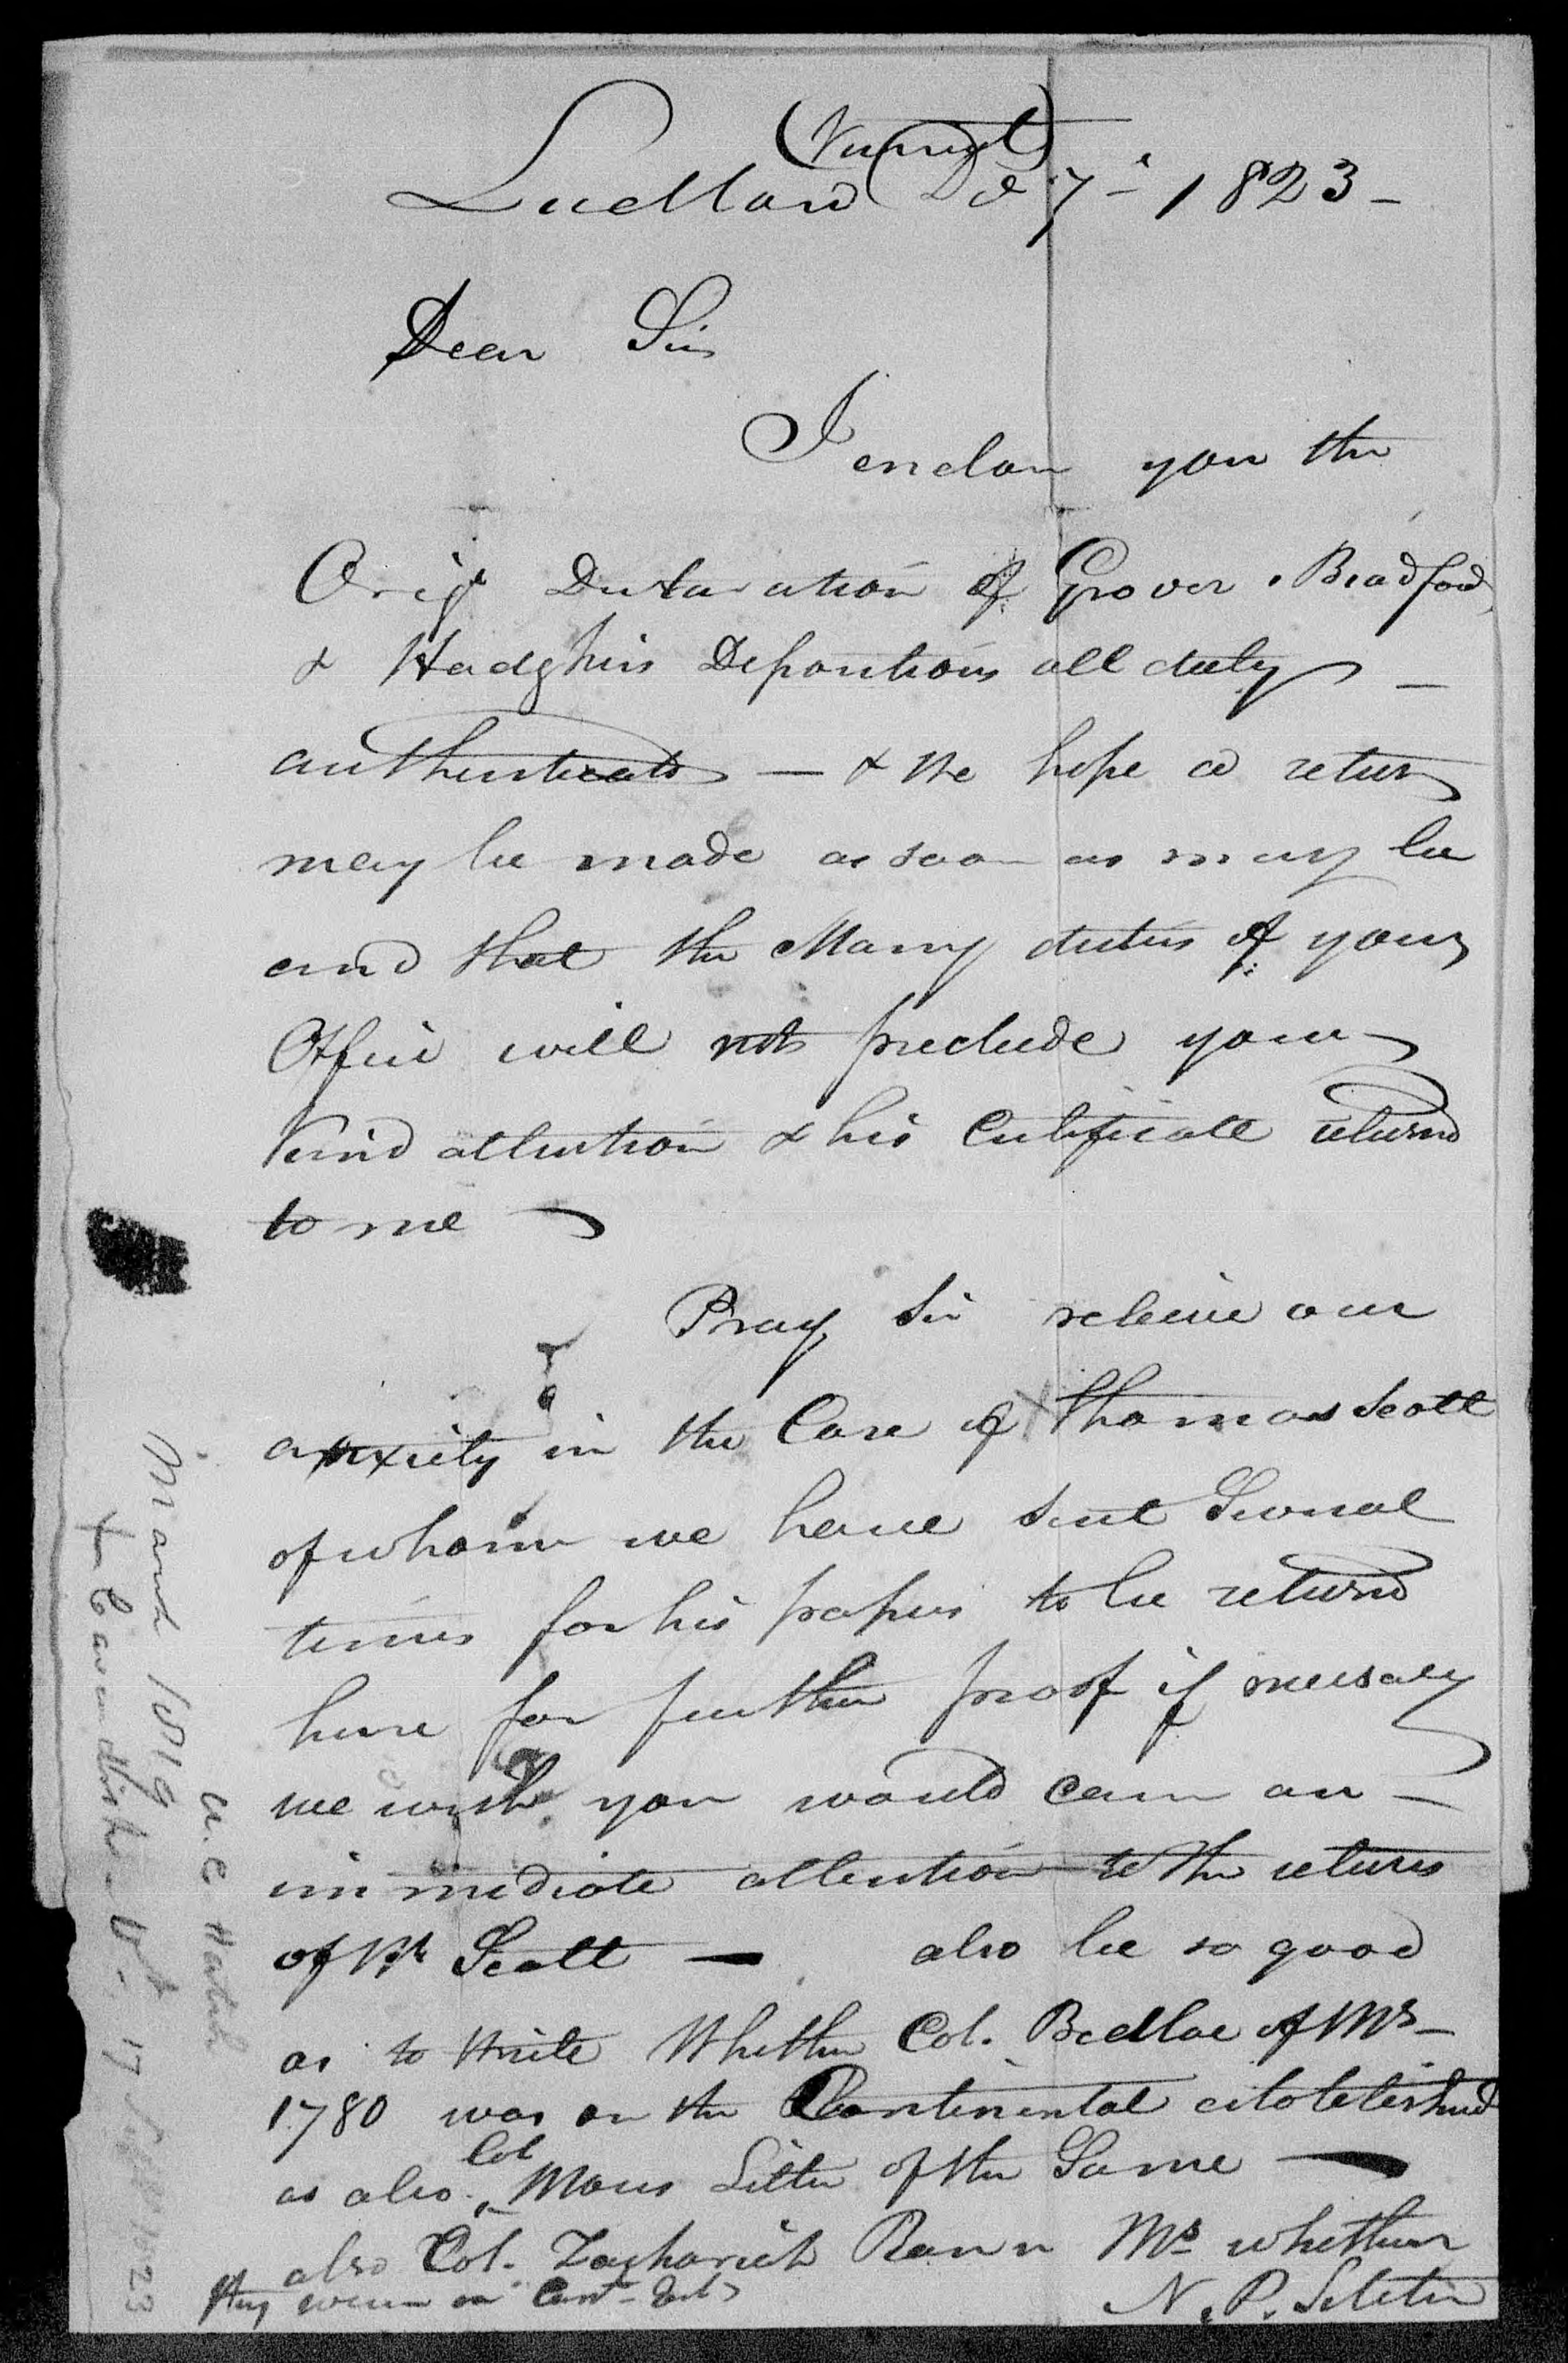Ludlow (Vermont) Dec. 7, 1823
Dear Sir
I enclose you the Orig'l(?) Declaration of Grover, Bradford & Hodgkins. Depositions all duly authenticated & we hope a (?) may be made as soon as may be and that the many duties of your office will not preclude your kind attention & his certificate returned to me
Pray Sir relieve our anxiety in the care of those as (?) of whom we have sent several times for his papers to be returned here for further proof if necessary we wish you would earn our immediate attention to the return of Mr. Scott
also be so good as to write whither Col. Bedloe of Ms 1780 was on the Continental (?) as also Col Moses Littler of the same, also Col. Zachariah Rawn(?) Ms whether they were on Cont - (?)
N.P. Seletin

(written down side of paper)
U.C. Hatch
March 1819
Cavendish, Vt  17th Sept. 1823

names: Bradford, Zachariah Rawn, Hodgkin, Whitten, Bedloe, N P Seleter, Moses Litter, Grover, U C Hatch, Thomas Scott, Scott, Whitten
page: 16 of 22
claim: survivor's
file: S. 38777, Jacob Grover, Continental (Vt.)